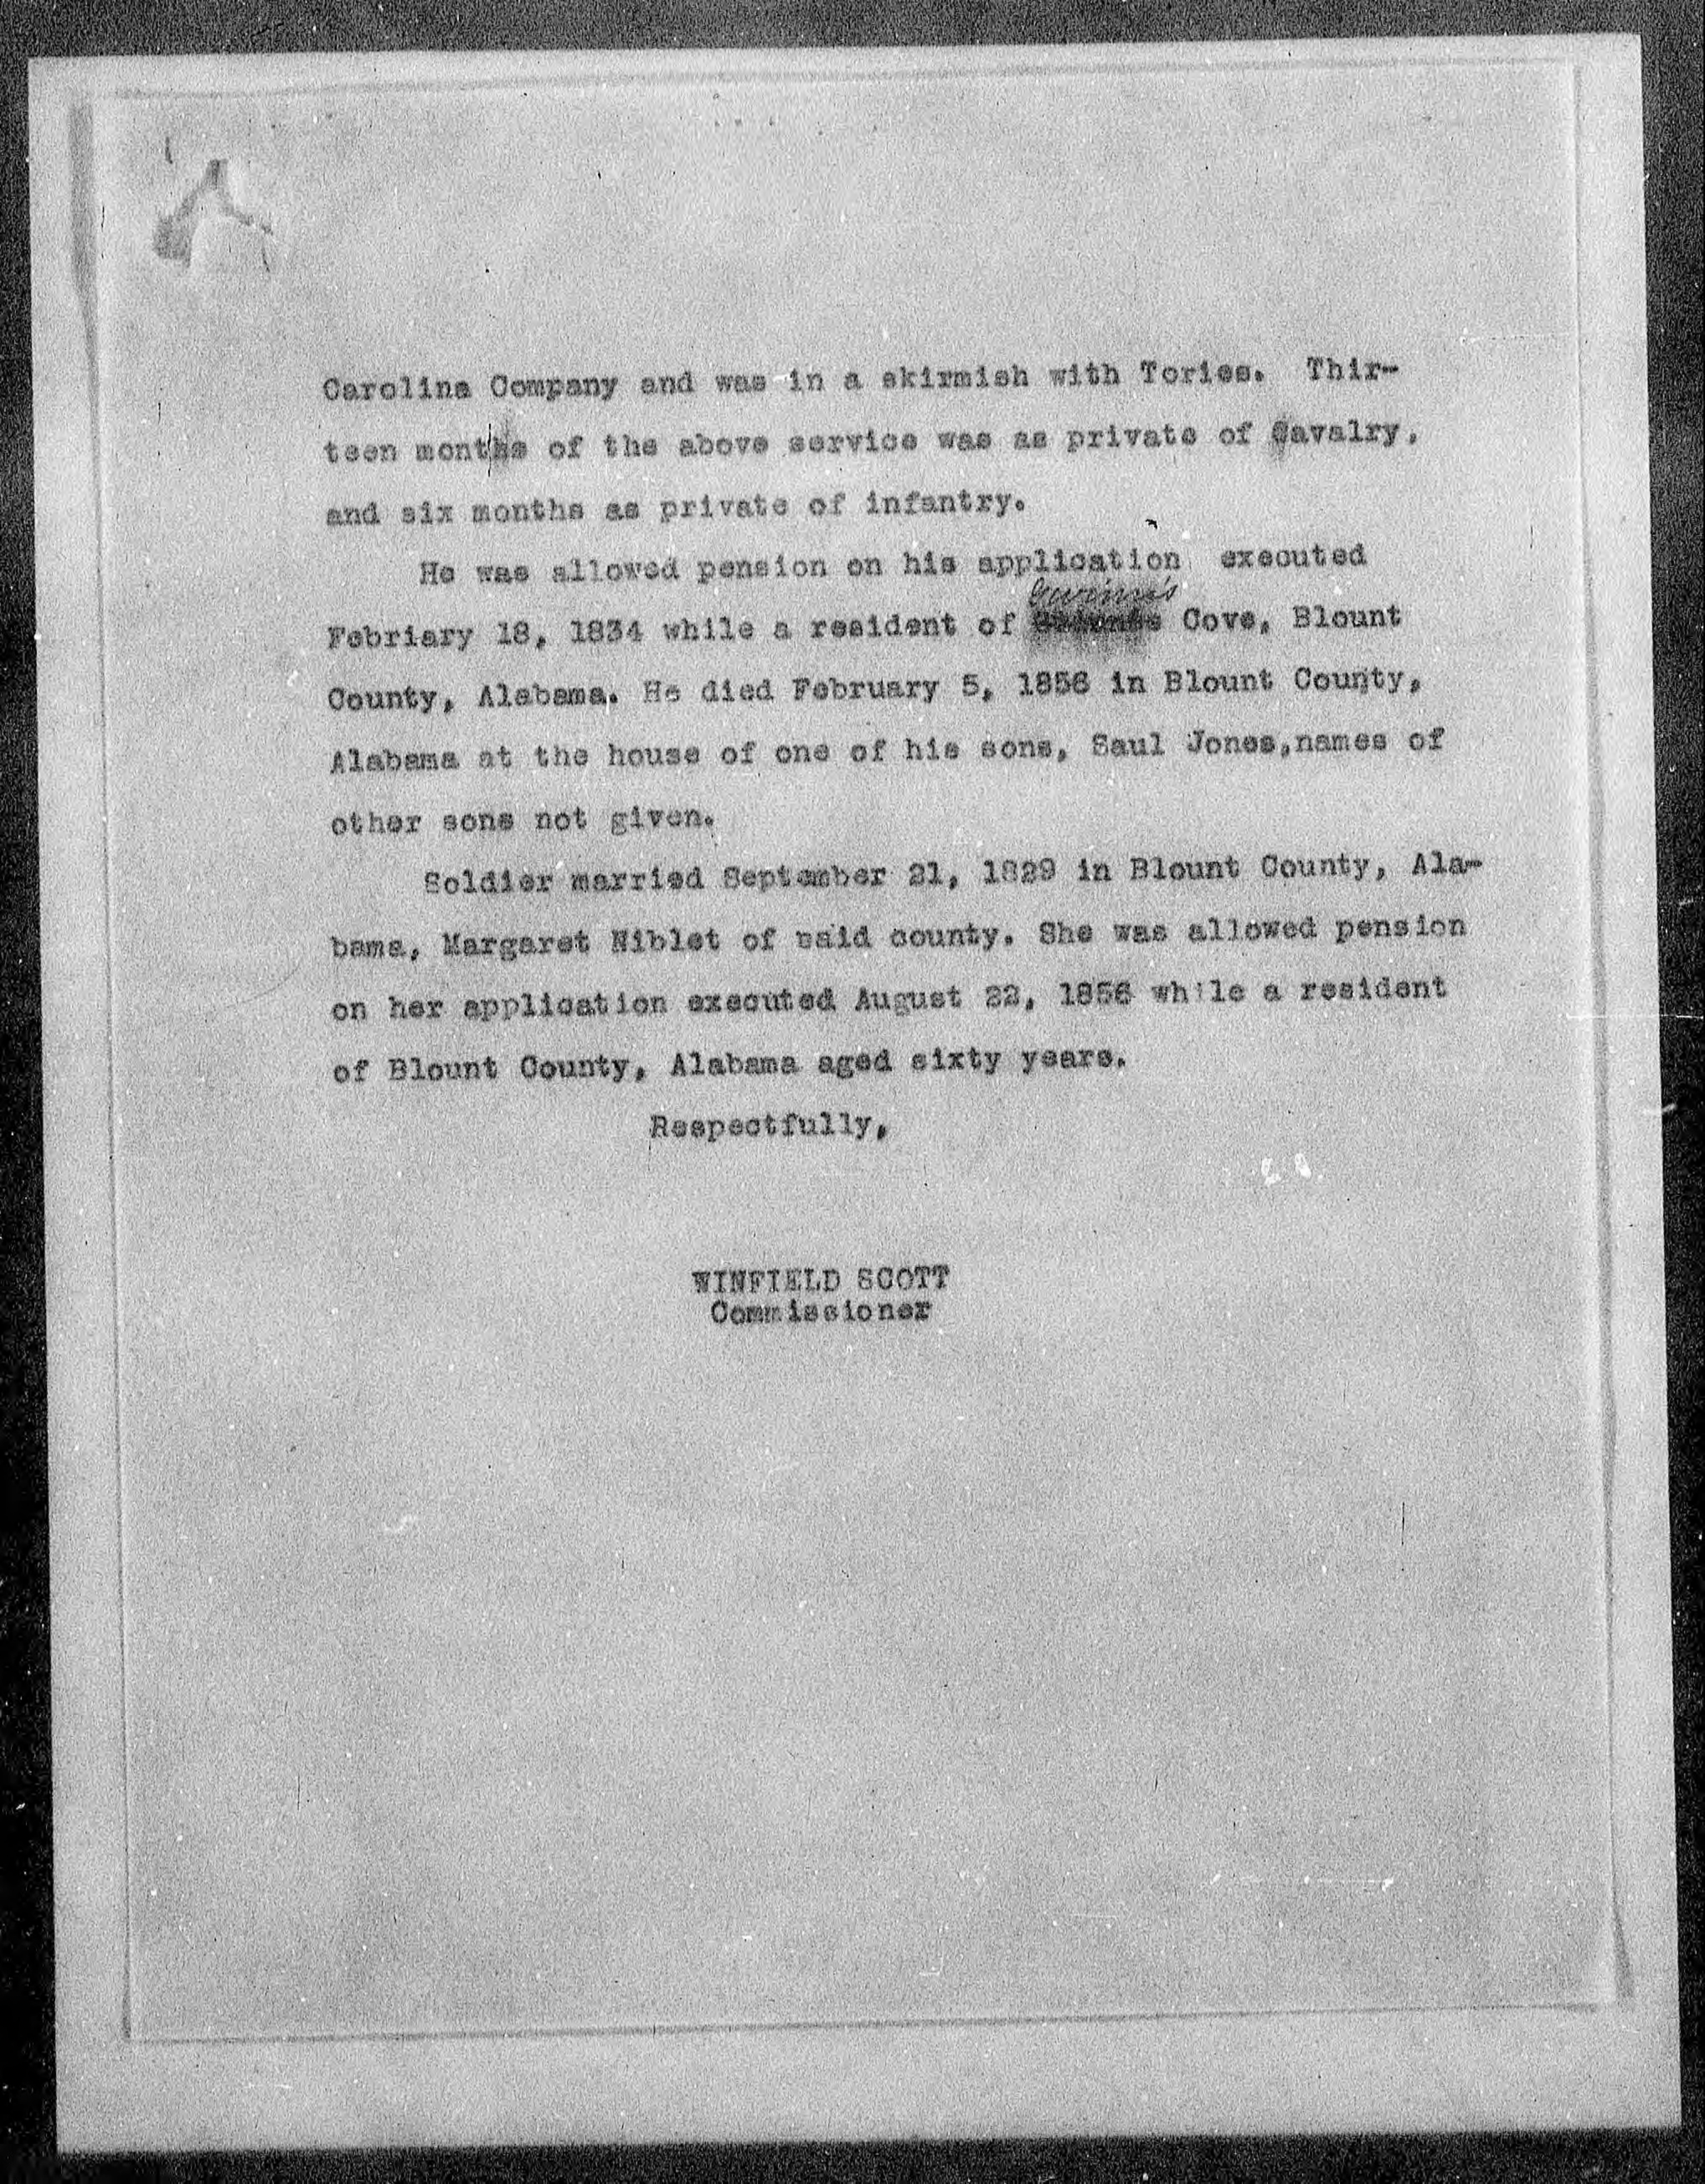Carolina Company and was in a skirmish with Tories.  Thir-
teen months of the above service was as private of Cavalry,
and six months as private of infantry.  

He was allowed pension on his application executed
Febriary [February] 18, 1834 while a resident of Guinn's Cove, Blount
County, Alabama.  He died February 5, 1856 i Blount County,
Alabama at the house of one of his sons, Saul Jones, names of
other sons not given.

Soldier married September 21, 1829 in Blount County, Ala-
bama, Margaret Niblet of said county.  She was allowed pension
on her application executed August 22 1856 while a resident
of Blount County, Alabama aged sixty years.

Respectfully,

WINFIELD SCOTT
Commissioner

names: Saul Jones; Winfield Scott; Margaret Niblet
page: 24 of 45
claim: widow's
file: W. 26160, for Thomas C Jones, Georgia